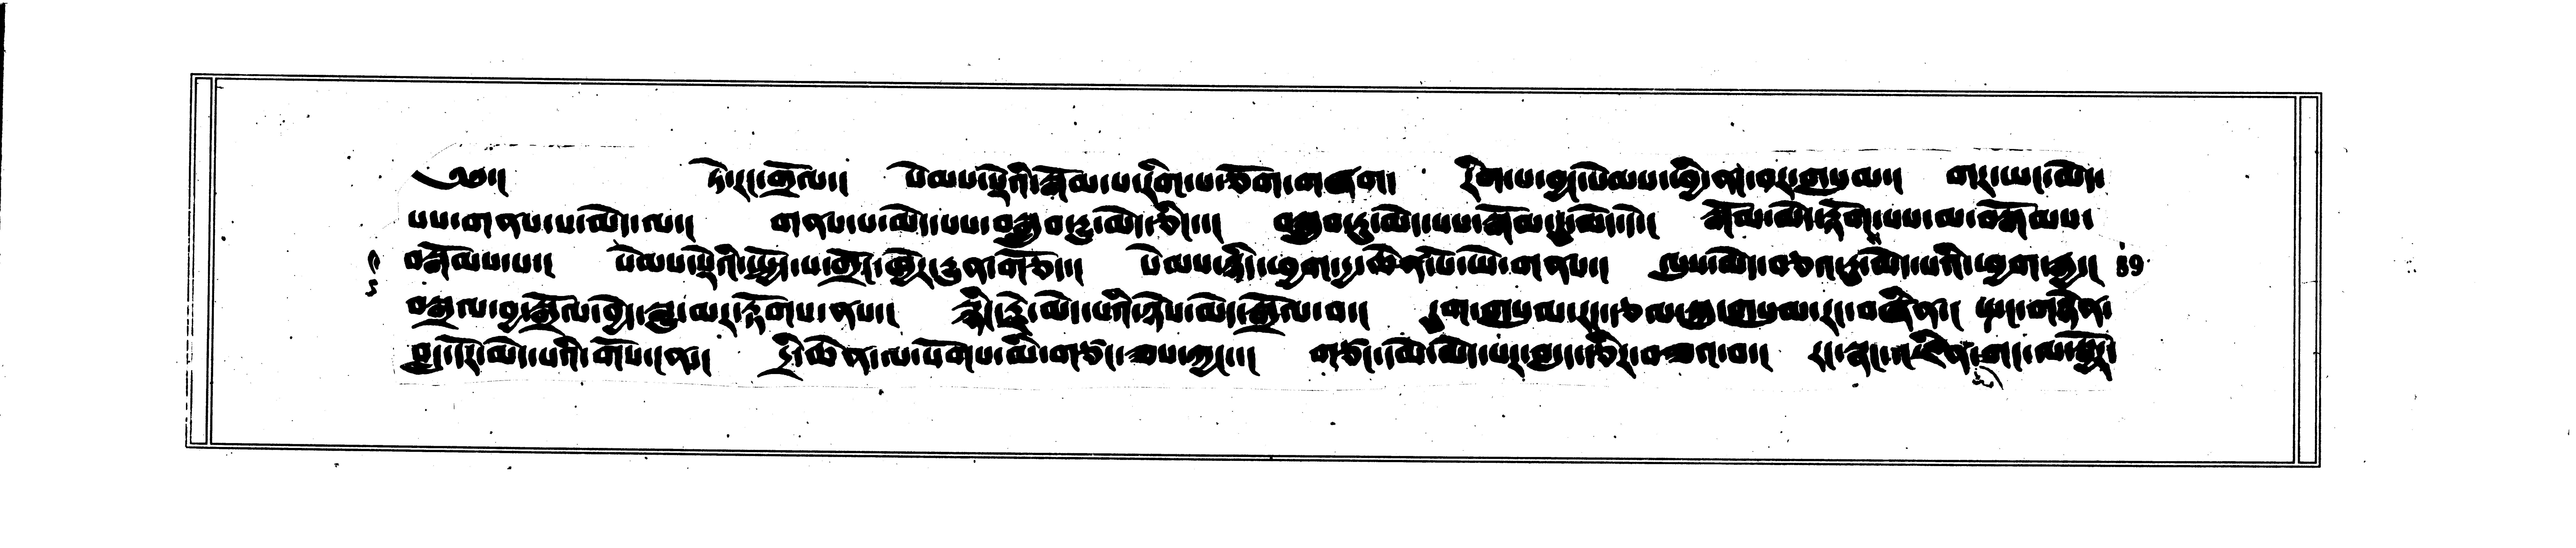ཏེ་རང་གྲོལ། སེམས་སྡེའི་དགོངས་པ་རིག་པ་ཅོག་བཞག །རིག་པ་བྱང་སེམས་ཕྱི་ནང་བར་གསུམ། །གང་ཡང་མེད་
པས་གནས་ས་མེད་ལ། །གནས་ས་མེད་པས་བསྒྲུབ་རྒྱུ་མེད་ཅིང་། །བསྒྲུབ་རྒྱུ་མེད་པས་སྒོམ་དུ་མེད་དེ། །སྒོམ་མེད་རྟོགས་པས་མ་བསྒོམས་
བསྒོམས་པ། །སེམས་སྡེའི་སྤྱོད་པ་གྲོང་ཁྱེར་རྒྱུན་གཅོད། །སེམས་ཉིད་ཕྱག་རྒྱ་ཆེན་པོ་ཡེ་གནས། །ལུས་མེད་བཅའ་རུ་མེད་པའི་ཕྱག་རྒྱ། །
བསྒྲལ་བྱ་སྒྲོལ་བྱེད་རྒྱུ་མར་རྟོགས་ནས། །སྙིང་རྗེ་མེད་པའི་ཉེས་མེད་སྒྲོལ་བ། །དུག་གསུམ་རང་རྩལ་སྐུ་གསུམ་རང་བཞིན། །སྤང་གཉེན་
བླང་དོར་མེད་པའི་གོས་ངན། །དྲི་ཆེན་ལ་སོགས་མི་གཙང་ཟས་ཀྱང་། །གཙང་སྨེ་མེད་པར་བདུད་རྩིར་བཟའ་བ། །རང་སྣང་འཛིན་ཆེ་གང་ལ་སྦྱོར་